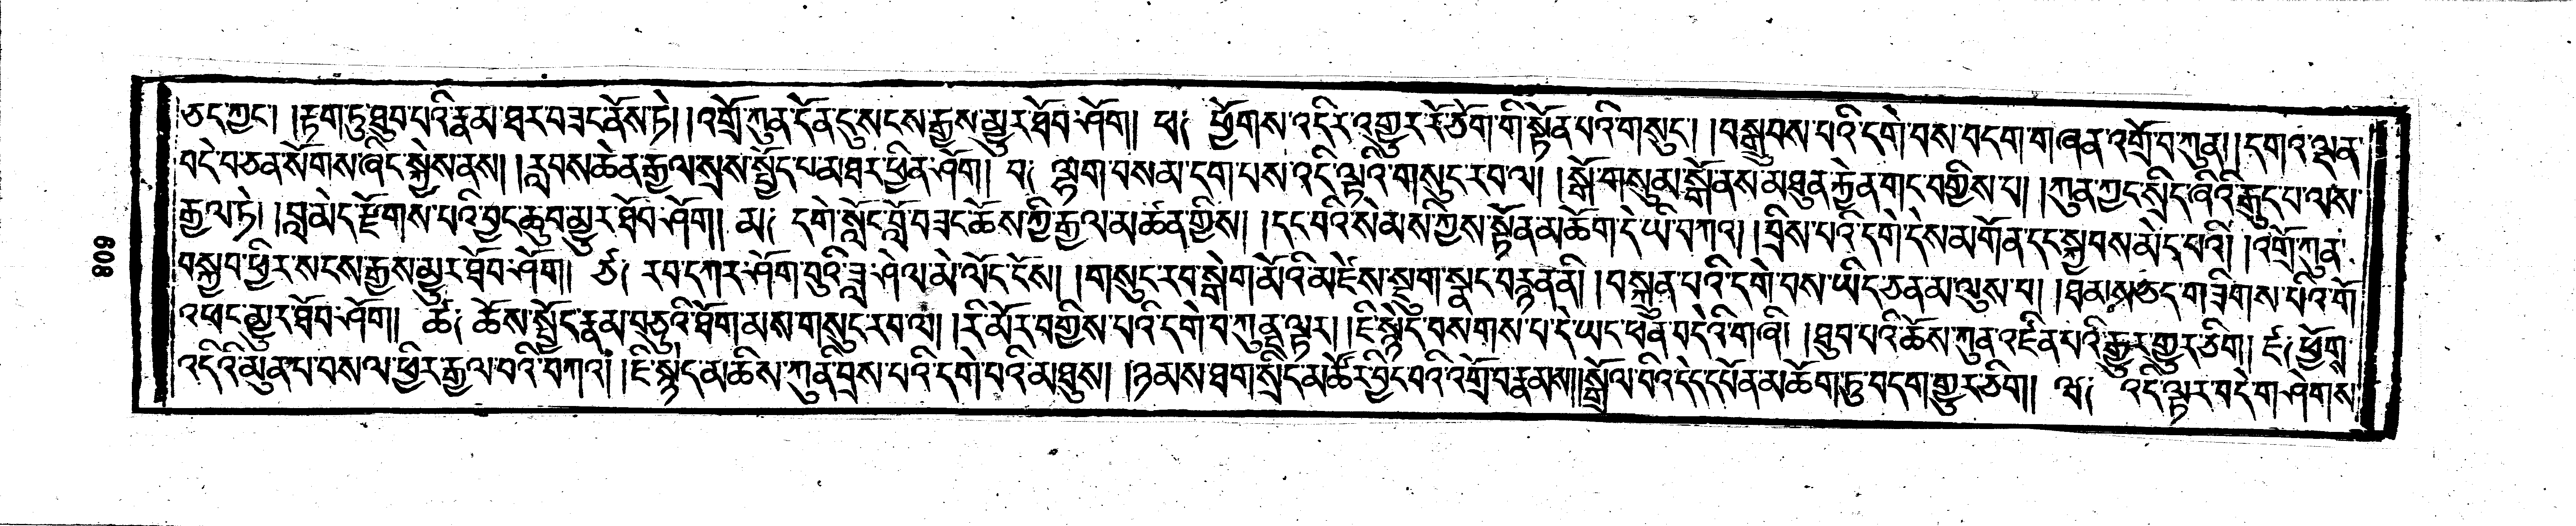ཅད་ཀྱང་། །རྟག་ཏུ་ཐུབ་པའི་རྣམ་ཐར་བཟང་ནོས་ཏེ། །འགྲོ་ཀུན་དོན་དུ་སངས་རྒྱས་མྱུར་ཐོབ་ཤོག །ཕ༑ ཕྱོགས་འདིར་འགྱུར་རོ་ཅོག་གི་སྟོན་པའི་གསུང་། །བསྒྲུབས་པའི་དགེ་བས་བདག་གཞན་འགྲོ་བ་ཀུན། །དགའ་ལྡན་
བདེ་བ་ཅན་སོགས་ཞིང་སྐྱེས་ནས། །རླབས་ཆེན་རྒྱལ་སྲས་སྤྱོད་པ་མཐར་ཕྱིན་ཤོག །བ༑ ལྷག་བསམ་དག་པས་འདི་ལྟའི་གསུང་རབ་ལ། །སྒོ་གསུམ་སྒོ་ནས་མཐུན་རྐྱེན་གང་བགྱིས་པ། །ཀུན་ཀྱང་སྲིད་ཞིའི་རྒུད་པ་ལས་
རྒྱལ་ཏེ། །བླ་མེད་རྫོགས་པའི་བྱང་ཆུབ་མྱུར་ཐོབ་ཤོག །མ༑ དགེ་སློང་བློ་བཟང་ཆོས་ཀྱི་རྒྱལ་མཚན་གྱིས། །དང་བའི་སེམས་ཀྱིས་སྟོན་མཆོག་དེ་ཡི་བཀའ། །བྲིས་པའི་དགེ་དེས་མགོན་དང་སྐྱབས་མེད་པའི། །འགྲོ་ཀུན་
བསྐྱབ་ཕྱིར་སངས་རྒྱས་མྱུར་ཐོབ་ཤོག །ཙ༑ རབ་དཀར་ཤོག་བུའི་ཟླ་ཤེལ་མེ་ལོང་ངོས། །གསུང་རབ་སྒེག་མོའི་མཛེས་སྡུག་སྣང་བརྙན་ནི། །བསྐྲུན་པའི་དགེ་བས་ཡིད་ཅན་མ་ལུས་པ། །ཐམས་ཅད་གཟིགས་པའི་གོ་
འཕང་མྱུར་ཐོབ་ཤོག །ཚ༑ ཆོས་སྤྱོད་རྣམ་བཅུའི་ཐོག་མས་གསུང་རབ་ལ། །རི་མོར་བགྱིས་པའི་དགེ་བ་ཀུནྡ་ལྟར། །ཇི་སྙེད་བསགས་པ་དེ་ཡང་ཕན་བདེའི་གཞི། །ཐུབ་པའི་ཆོས་ཀུན་འཛིན་པའི་རྒྱུར་གྱུར་ཅིག །ཛ༑ ཕྱོགས་
འདིའི་མུན་པ་བསལ་ཕྱིར་རྒྱལ་བའི་བཀའ། །ཇི་སྙེད་མཆིས་ཀུན་བྲིས་པའི་དགེ་བའི་མཐུས། །ཉམས་ཐག་སྲིད་མཚོར་བྱིང་བའི་འགྲོ་བ་རྣམས། །སྒྲོལ་བའི་དེད་དཔོན་མཆོག་ཏུ་བདག་གྱུར་ཅིག །ཝ༑ འདི་ལྟར་བདེ་གཤེགས་